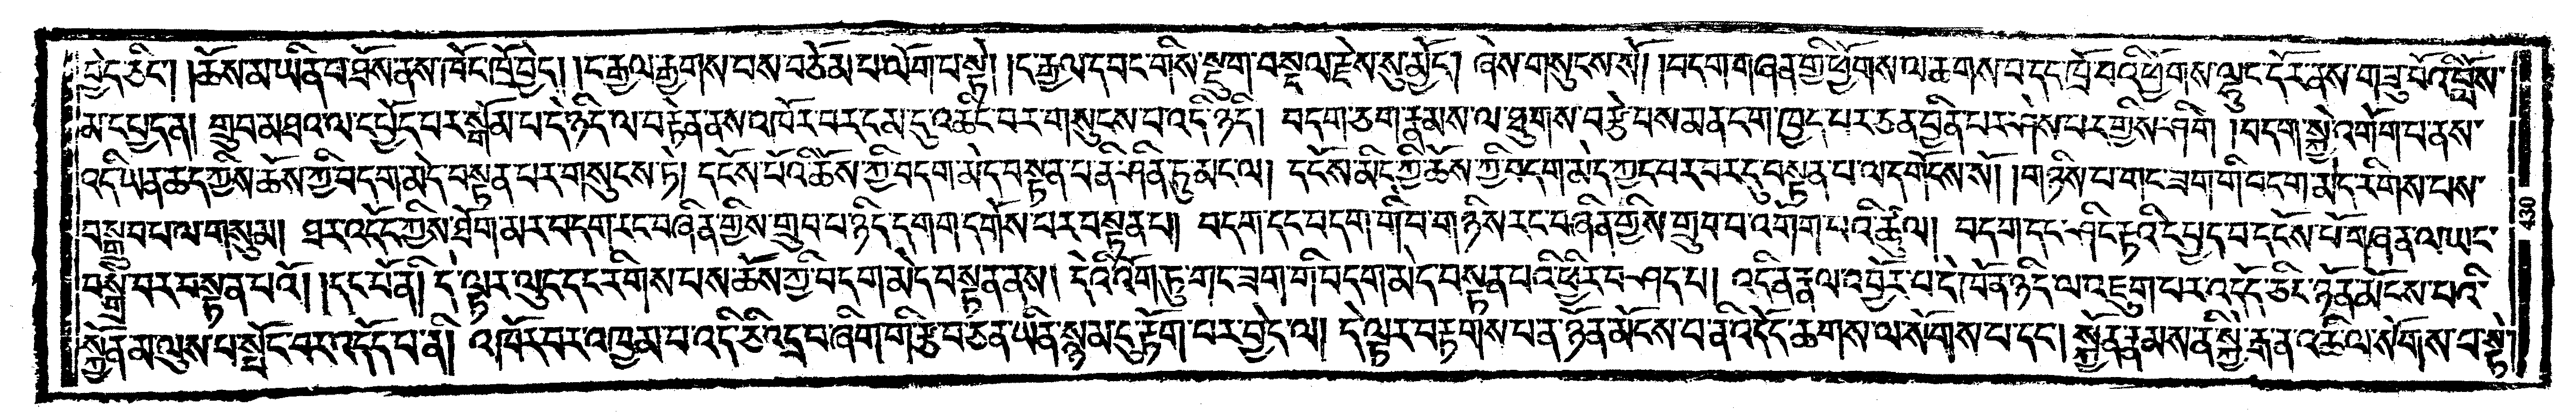བྱེད་ཅིང་། །ཆོས་མ་ཡིན་པ་ཐོས་ནས་ཁོང་ཁྲོ་བྱེད། །ང་རྒྱལ་རྒྱགས་པས་བཅོམ་པ་ལོག་པ་སྟེ། །ང་རྒྱལ་དབང་གིས་སྡུག་བསྔལ་རྗེས་སུ་མྱོང་། ཞེས་གསུངས་སོ། །བདག་གཞན་གྱི་ཕྱོགས་ལ་ཆགས་པ་དང་ཁྲོ་བའི་ཕྱོགས་ལྷུང་དོར་ནས་གཟུ་བོའི་བློས་
མ་དཔྱད་ན། གྲུབ་མཐའ་ལ་དཔྱོད་པར་སྒོམ་པ་དེ་ཉིད་ལ་བརྟེན་ནས་འཁོར་བར་དམ་དུ་འཆིང་བར་གསུངས་པ་འདི་ཉིད། བདག་ཅག་རྣམས་ལ་ཐུགས་བརྩེ་བས་མན་ངག་ཁྱད་པར་ཅན་བྱིན་པར་ཤེས་པར་གྱིས་ཤིག །བདག་སྐྱེ་འགོག་པ་ནས་
འདི་ཡན་ཆད་ཀྱིས་ཆོས་ཀྱི་བདག་མེད་བསྟན་པར་གསུངས་ཏེ། དངོས་པོའི་ཆོས་ཀྱི་བདག་མེད་བསྟན་པ་ནི་ཤིན་ཏུ་མང་ལ། དངོས་མེད་ཀྱི་ཆོས་ཀྱི་བདག་མེད་ཀྱང་བར་བར་དུ་བསྟན་པ་ལ་དགོངས་སོ། །གཉིས་པ་གང་ཟག་གི་བདག་མེད་རིགས་པས་
བསྒྲུབ་པ་ལ་གསུམ། ཐར་འདོད་ཀྱིས་ཐོག་མར་བདག་རང་བཞིན་གྱིས་གྲུབ་པ་ཉིད་དགག་དགོས་པར་བསྟན་པ། བདག་དང་བདག་གི་བ་གཉིས་རང་བཞིན་གྱིས་གྲུབ་པ་འགོག་པའི་ཚུལ། བདག་དང་ཤིང་རྟའི་དཔྱད་པ་དངོས་པོ་གཞན་ལ་ཡང་
བསྒྲེ་བར་བསྟན་པའོ། །དང་པོ་ནི། དེ་ལྟར་ལུང་དང་རིགས་པས་ཆོས་ཀྱི་བདག་མེད་བསྟན་ནས། དེའི་འོག་ཏུ་གང་ཟག་གི་བདག་མེད་བསྟན་པའི་ཕྱིར་བཤད་པ། འདི་ན་རྣལ་འབྱོར་པ་དེ་ཁོ་ན་ཉིད་ལ་འཇུག་པར་འདོད་ཅིང་ཉོན་མོངས་པའི་
སྐྱོན་མ་ལུས་པ་སྤོང་བར་འདོད་པ་ནི། འཁོར་བར་འཁྱམ་པ་འདི་ཅི་འདྲ་བ་ཞིག་གི་རྩ་བ་ཅན་ཡིན་སྙམ་དུ་རྟོག་པར་བྱེད་ལ། དེ་ལྟར་བརྟགས་པ་ན་ཉོན་མོངས་པ་ནི་འདོད་ཆགས་ལ་སོགས་པ་དང་། སྐྱོན་རྣམས་ནི་སྐྱེ་རྒ་ན་འཆི་ལ་སོགས་པ་སྟེ་